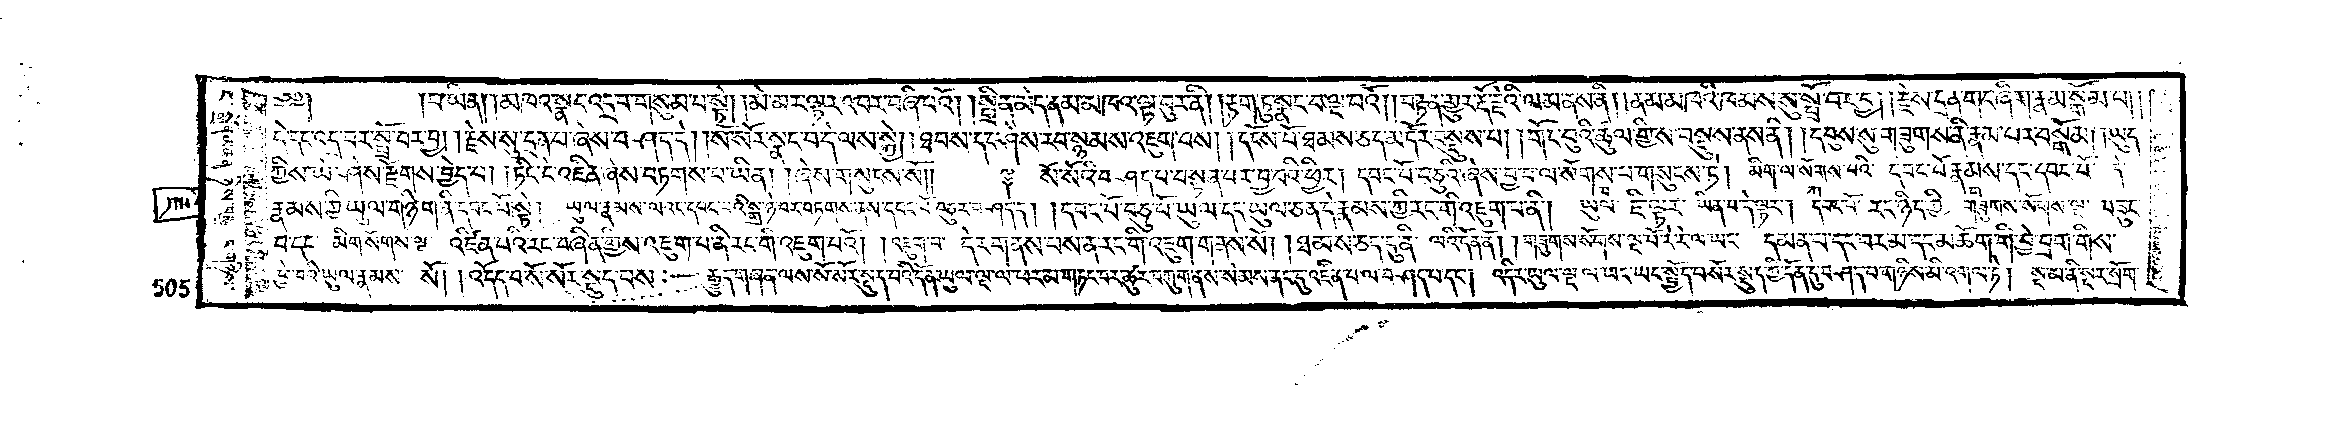༄༅། །པ་ཡིན། །མཁའ་སྣང་འདྲ་བ་གསུམ་པ་སྟེ། །མེ་མར་ལྟར་འབར་བཞི་པའོ། །སྤྲིན་མེད་ནམ་མཁའ་ལྟ་བུར་ནི། །རྟག་ཏུ་སྣང་བ་ལྔ་པའོ། །བརྟན་གྱུར་རྡོ་རྗེའི་ལམ་ནས་ནི། །ནམ་མཁའི་ཁམས་སུ་སྤྲོ་བར་བྱ། །རྗེས་དྲན་གང་ཞིག་རྣམ་སྒོམ་པ། །
དེ་དང་འདྲ་བར་སྤྲོ་བར་བྱ། །རྗེས་སུ་དྲན་པ་ཞེས་བཤད་དེ། །སོ་སོར་སྣང་བ་དེ་ལས་སྐྱེ། །ཐབས་དང་ཤེས་རབ་སྙོམས་འཇུག་པས། །དངོས་པོ་ཐམས་ཅད་མདོར་བསྡུས་པ། །གོང་བུའི་ཚུལ་གྱིས་བསྡུས་ནས་ནི། །དབུས་སུ་གཟུགས་ནི་རྣམ་པར་བསྒོམ། །ཡུད་
ཀྱིས་ཡེ་ཤེས་རྫོགས་བྱེད་པ། །ཏིང་ངེ་འཛིན་ཞེས་བཏགས་པ་ཡིན། །ཞེས་གསུངས་སོ།། ༈ སོ་སོའི་བཤད་པ་བསྟན་པར་བྱ་བའི་ཕྱིར། དབང་པོ་བཅུའི་ཞེས་བྱ་བ་ལ་སོགས་པ་གསུངས་ཏེ། མིག་ལ་སོགས་པའི་དབང་པོ་རྣམས་དང་དབང་པོ་དེ་
རྣམས་ཀྱི་ཡུལ་གཉི་ག་ནི་དབང་པོ་སྟེ། ཡུལ་རྣམས་ལའང་དབང་བའི་སྒྲ་ཉེ་བར་བཏགས་ནས་དབང་པོ་བཅུར་བཤད་དོ། །  དབང་པོ་བཅུ་པོ་ཡུལ་དང་ཡུལ་ཅན་དེ་རྣམས་ཀྱི་རང་གི་འཇུག་པ་ནི། ཁ་ཡུལ་ཇི་ལྟར་ཡིན་པ་དེ་ལྟར། ཀ་དབང་པོ་རང་ཉིད་ཀྱི་ག་གཟུགས་སོགས་ལྔ་བཟུང་
པ་དང་མིག་སོགས་ལྔ་འཛིན་པའི་རང་བཞིན་གྱིས་འཇུག་པ་ནི་རང་གི་འཇུག་པའོ། །འཇུག་པ་དེར་གནས་པས་ན་རང་གི་འཇུག་གནས་སོ། །ཐམས་ཅད་དུ་ནི་ལའི་དོན་ནོ། །གཟུགས་སོགས་ལྔ་པོ་རེ་རེ་ལ་ཡང་དམན་པ་དང་བར་མ་དང་མཆོག་གི་བྱེ་བྲག་གིས་
ཕྱེ་བའི་ཡུལ་རྣམས་སོ། །འདོད་པ་སོ་སོར་སྡུད་པསཿ་རྒྱུད་གཞན་ལས་སོ་སོར་སྡུད་པའི་དོན་ཡུལ་ལྔ་ལ་ཕར་མ་གཏང་བར་ཚུར་བཀུག་ནས་སེམས་ནང་དུ་འཛིན་པ་ལ་བཤད་པ་དང་། འདིར་ཡུལ་ལྔ་ལ་ཡང་ཡང་སྤྱོད་པ་སོར་སྡུད་ཀྱི་དོན་དུ་བཤད་པ་གཉིས་མི་འགལ་ཏེ། སྔ་མ་ནི་སྔར་སྲོག་